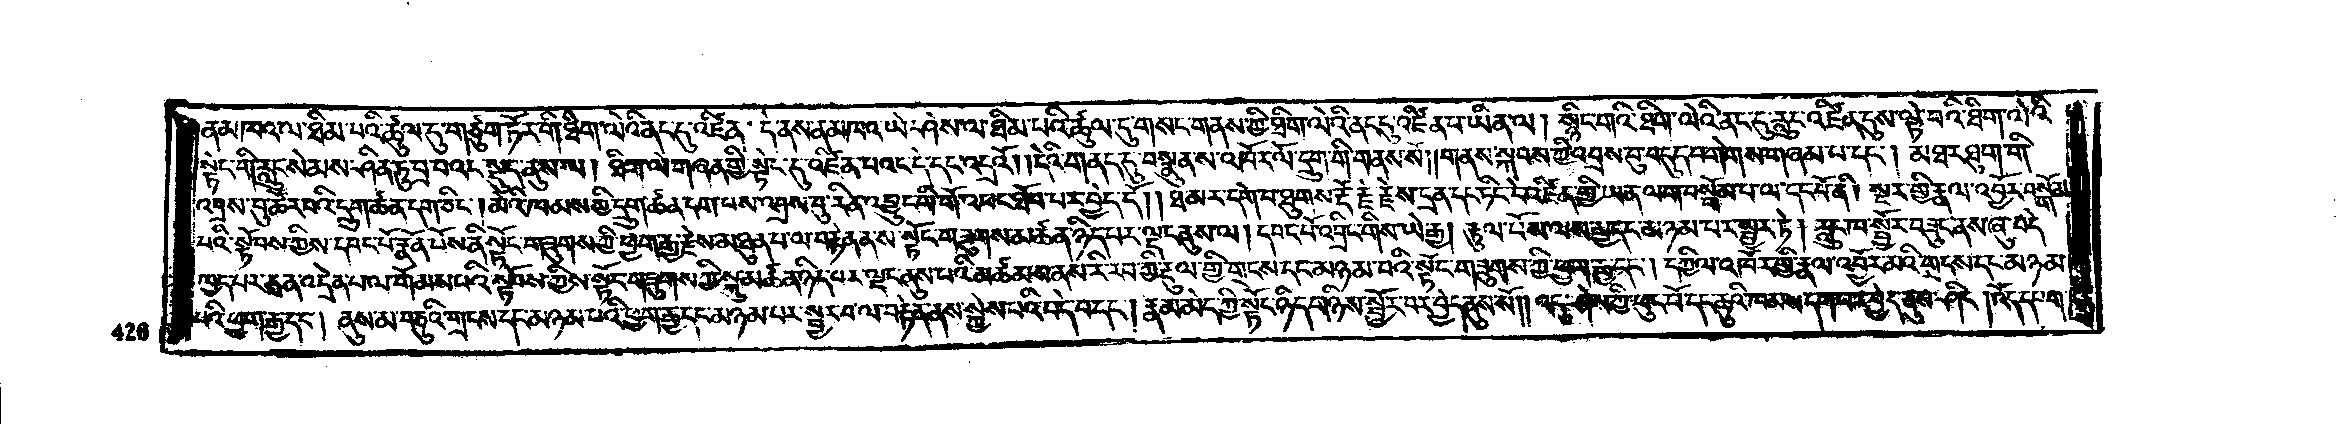ནམ་མཁའ་ལ་ཐིམ་པའི་ཚུལ་དུ་གཙུག་ཏོར་གི་ཐིག་ལེའི་ནང་དུ་འཛིན་དེ་ནས་ནམ་མཁའ་ཡེ་ཤེས་ལ་ཐིམ་པའི་ཚུལ་དུ་གསང་གནས་ཀྱི་ཐིག་ལེའི་ནང་དུ་འཛིན་པ་ཡིན་ལ། སྙིང་གའི་ཐིག་ལེའི་ནང་དུ་རླུང་འཛིན་དུས་ལྟེ་བའི་ཐིག་ལེའི་
སྟེང་གི་རླུང་སེམས་ཤིན་ཏུ་བྲ་བའང་སྡུད་ནུས་ལ། ཐིག་ལེ་གཞན་གྱི་སྟེང་དུ་འཛིན་པའང་དེ་དང་འདྲའོ། །དེའི་གནད་དུ་བསྣུན་ས་འཁོར་ལོ་དྲུག་གི་གནས་སོ། །གནས་སྐབས་ཀྱི་འབྲས་བུ་བདུད་བགེགས་གཞམ་པ་དང་། མཐར་ཐུག་གི་
འབྲས་བུ་ཚེར་བའི་དྲུག་ཚན་དག་ཅིང་། མེའི་ཁམས་ཀྱི་དྲུག་ཚན་དག་པས་འབྲས་བུ་རིན་འབྱུང་གི་གོ་འཕང་ཐོབ་པར་བྱེད་དོ། །ཐ་མར་དགེ་བ་ཐུགས་རྡོ་རྗེ་རྗེས་དྲན་དང་ཏིང་ངེ་འཛིན་གྱི་ཡན་ལག་བསྒོམ་པ་ལ་དང་པོ་ནི། སྔར་གྱི་རྣལ་འབྱོར་བསྒོམ་
པའི་སྟོབས་ཀྱིས་དབང་པོ་རྣོན་པོས་ནི་སྟོང་གཟུགས་ཀྱི་ཕྱག་རྒྱ་རྗེས་མཐུན་པ་ལ་བརྟེན་ན་ས་སྟོང་གཟུགས་མཚན་ཉིད་པར་ལྡང་ནུས་ལ། དབང་པོ་འབྲིང་གིས་ཡེ་རྒྱ། རྟུལ་པོས་ལས་རྒྱ་དང་མཉམ་པར་སྦྱར་ཏེ། རླུང་ཁ་སྦྱོར་བཟུང་ནས་ཞུ་བདེ་
ཁྱད་པར་ཅན་འདྲེན་པ་ལ་གོམས་པའི་སྟོབས་ཀྱིས་སྟོང་གཟུགས་ཀྱི་སྐུ་མཚན་ཉིད་པར་ལྡང་ནུས་པའི་མཚམས་ནས་རི་རབ་ཀྱི་རྡུལ་གྱི་གྲངས་དང་མཉམ་པའི་སྟོང་གཟུགས་ཀྱི་ཕྱག་རྒྱ་དང་། དཀྱིལ་འཁོར་གྱི་རྣལ་འབྱོར་མའི་གྲངས་དང་མཉམ་
པའི་ཕྱག་རྒྱ་དང་། ནུས་མ་བཅུའི་གྲངས་དང་མཉམ་པའི་ཕྱག་རྒྱ་དང་མཉམ་པར་སྦྱར་བ་ལ་བརྟེན་ནས་སྐྱེས་པའི་བདེ་བ་དང་། རྣམ་མེད་ཀྱི་སྟོང་ཉིད་གཉིས་སྦྱོར་བར་བྱེད་ནུས་སོ། །འདུ་ཤེས་ཀྱི་ཕུང་པོ་དང་ཆུའི་ཁམས་དག་པར་བྱེད་ནུས་ཤིང་། འོད་དཔག་